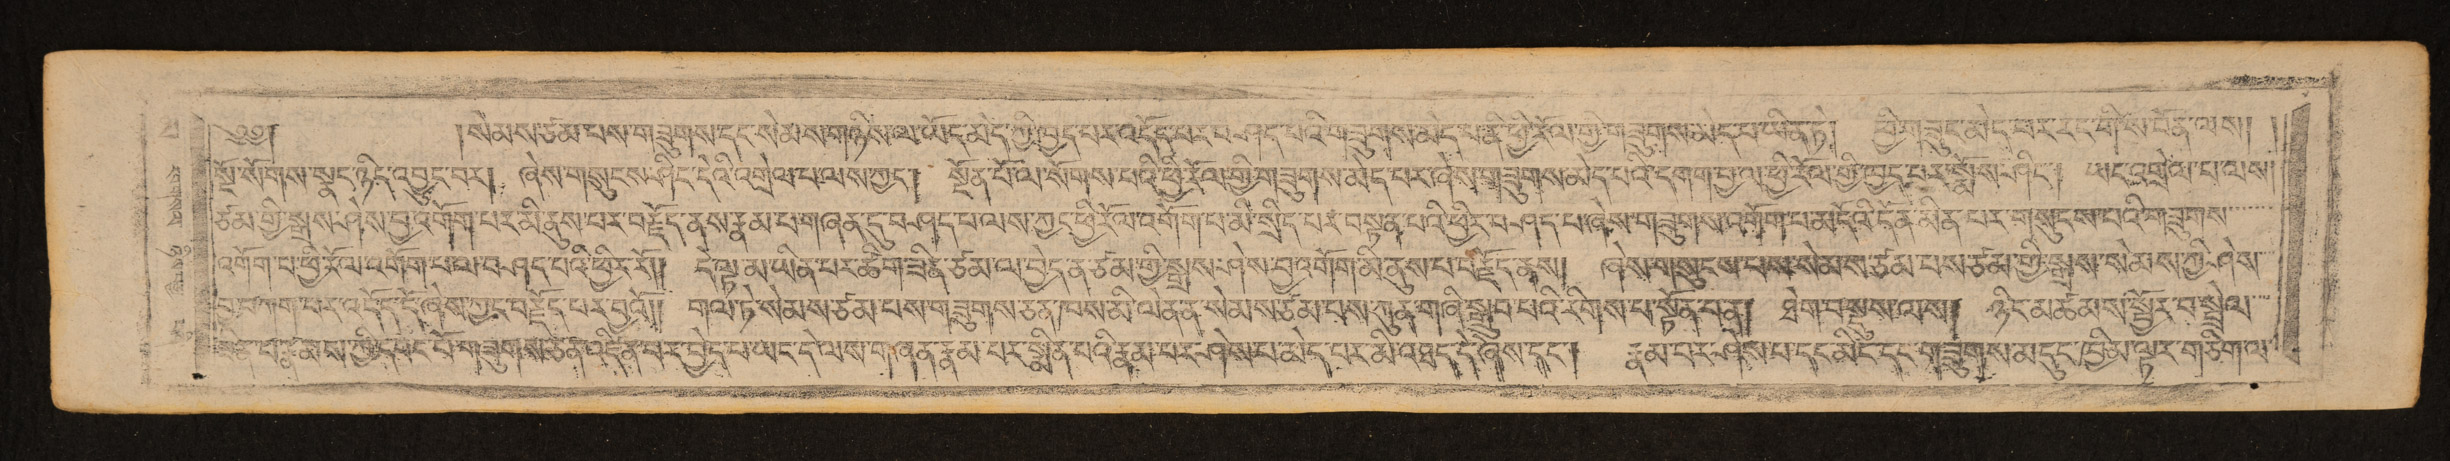༄༅། །སེམས་ཙམ་པས་གཟུགས་དང་སེམས་གཉིས་ལ་ཡོད་མེད་ཀྱི་ཁྱད་པར་འདོད་པར་བཤད་པའི་གཟུགས་མེད་པ་ནི་ཕྱི་རོལ་གྱི་གཟུགས་མེད་པ་ཡིན་ཏེ། ཕྱི་གཟུང་མེད་པར་རང་གི་ས་བོན་ལས།།
སྔོ་སོགས་སྣང་ཉིད་འབྱུང་བར། ཞེས་གསུངས་ཤིང་དེའི་འགྲེལ་པ་ལས་ཀྱང་། སྔོན་པོ་ལ་སོགས་པའི་ཕྱི་རོལ་གྱི་གཟུགས་མེད་པར་ཞེས་གཟུགས་མེད་པའི་དགག་བྱ་ལ་ཕྱི་རོལ་གྱི་ཁྱད་པར་སྨོས་ཤིང་། ཡང་འགྲེལ་པ་ལས་
ཙམ་གྱི་སྒྲས་ཤེས་བྱ་འགོག་པར་མི་ནུས་པར་བརྗོད་ནས་རྣམ་པ་གཞན་དུ་བཤད་པ་ལས་ཀྱང་ཕྱི་རོལ་འགོག་པ་མི་སྲིད་བར་བསྟན་པའི་ཕྱིར་བཤད་པ་ཞེས་གཟུགས་འགོག་པ་མདོའི་དོན་མིན་པར་གསུངས་པའི་གཟུགས་
འགོག་པ་ཕྱི་རོལ་འགོག་པ་ལ་བཤད་པའི་ཕྱིར་རོ།། དེ་ལྟ་མ་ཡིན་པར་ཚིག་ཟིན་ཙམ་ལ་བྱེད་ན་ཙམ་གྱི་སྒྲས་ཤེས་བྱ་འགོག་མི་ནུས་པ་བརྗོད་ནས། ཞེས་གསུངས་པས་སེམས་ཙམ་པས་ཙམ་གྱི་སྒྲས་སེམས་ཀྱི་ཤེས་
བྱ་བཀག་པར་འདོད་དོ་ཞེས་ཀྱང་བརྗོད་པར་བྱའོ།། གལ་ཏེ་སེམས་ཙམ་པས་གཟུགས་ཅན་ཁས་མི་ལེན་ན་སེམས་ཙམ་པས་ཀུན་གཞི་སྒྲུབ་པའི་རིགས་པ་སྟོན་པ་ན། ཐེག་བསྡུས་ལས། ཉིང་མཚམས་སྦྱོར་བ་སྦྲེལ་
ཟིན་པ་རྣམས་ཀྱི་དབང་པོ་གཟུགས་ཅན་འཛིན་པར་བྱེད་པ་ཡང་དེ་ལས་གཞན་རྣམ་པར་སྨིན་པའི་རྣམ་པར་ཤེས་པ་མེད་པར་མི་འཐད་དེ་ཞེས་དང་། རྣམ་པར་ཤེས་པ་དང་མིང་དང་གཟུགས་མདུང་ཁྱིམ་ལྟར་གཅིག་ལ་